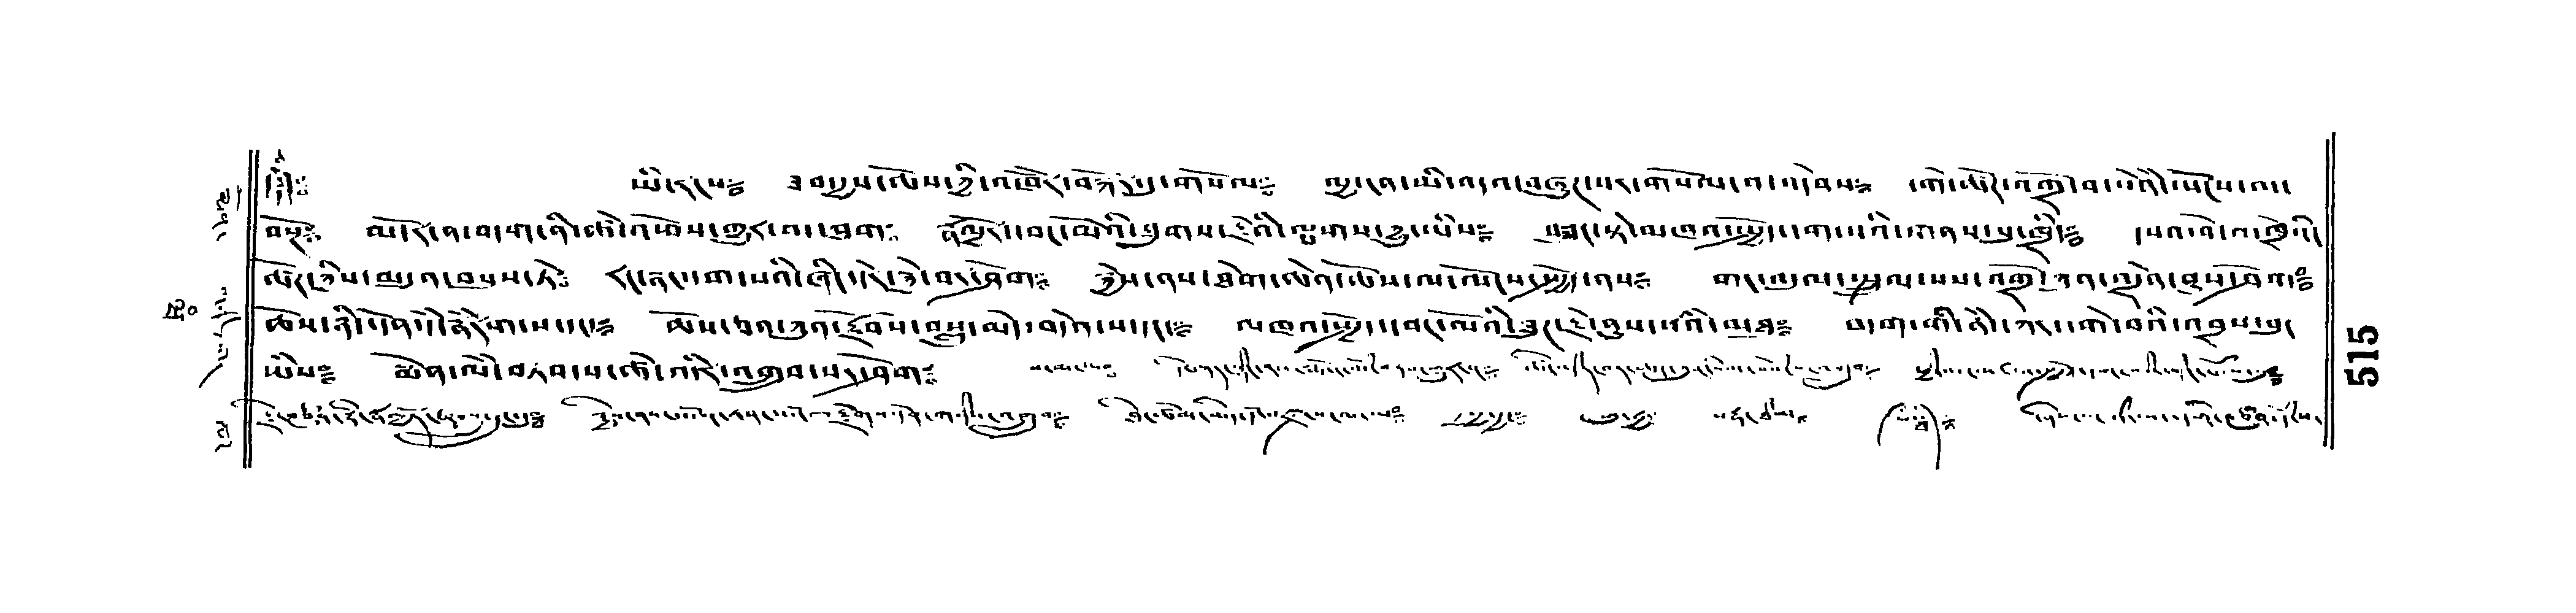ཡི་རངས༔ ཟབ་རྒྱས་ཆོས་ཀྱི་འཁོར་ལོར་བསྐོར་དུ་གསོལ༔ མྱ་ངན་མི་འདའ་བཞུགས་པར་གསོལ་བ་འདེབས༔ དགེ་ཚོགས་འགྲོ་བ་སེམས་ཅན་ཡོངས་ལ་
བསྔོ༔ མདོར་ན་བདག་ནི་ཚེ་འཕོས་གྱུར་མ་ཐག༔ རྣལ་འབྱོར་དབང་མོའི་ཐུགས་རྗེའི་ལྕགས་ཀྱུ་ཡིས༔ བཟུང་སྟེ་མཁའ་སྤྱོད་དག་པའི་གནས་སུ་ཁྲིད༔ དཔའ་བོ་མཁའ་འགྲོའི་
ཚོགས་ཀྱིས་མདུན་བསུས་ཏེ༔ རང་སྣང་དག་པའི་ཞིང་དེར་སྐྱེ་བར་ཤོག༔ སྐྱེས་ནས་ཐེག་ཆེན་ཆོས་ལ་ལོངས་སྤྱོད་ནས༔ གང་འདུལ་སྤྲུལ་པས་འགྲོ་ཀུན་འདྲེན་ནུས་ཤོག༔ 
ཆོས་ཉིད་དོན་དམ་རྣམཔར་བདག་པ་དང༔ ཆོས་ཅན་ཀུན་རྫོབ་བསླུ་མེད་བདེན་པ་དང༔ མཁའ་སྤྱོད་དབང་མོའི་ཐུགས་རྗེ་ནུས་པའི་མཐུ༔ བདག་གི་རྣམ་དཀར་དགེ་བའི་འབྲས་བུ་
ཡིས༔ སྨོན་ལམ་བཏབ་པ་ཚེ་འདིར་འགྲུབ་པར་ཤོག༔ ས་མ་ཡ༔ དེ་ལྟར་སྙིང་ནས་སྨོན་ལམ་བཏབ་གྱུར་ན༔ ཚེ་འདིར་བར་ཆད་ཀུན་སེལ་བསམ་པ་འགྲུབ༔ ཕྱི་མ་མཁའ་སྤྱོད་དག་པའི་ཞིང་ཁམས་སུ༔ 
རྗེ་བཙུན་རྡོ་རྗེ་རྣལ་འབྱོར་ཞབས་དྲུང་དུ༔ སྐྱེས་ནས་ཡོན་ཏན་ཡོངས་རྫོགས་དོན་གཉིས་འགྲུབ༔ ཐེ་ཚོམ་མེད་དོ་བཛྲ་ས་མ་ཡ༔ རྒྱ་རྒྱ་རྒྱ༔ གུ་ཧྱ༔ བརྡ་ཐིམ༔ ༔ ཞེས་པ་འདི་ཡང་དགེ་བཙུན་དམ་པ་